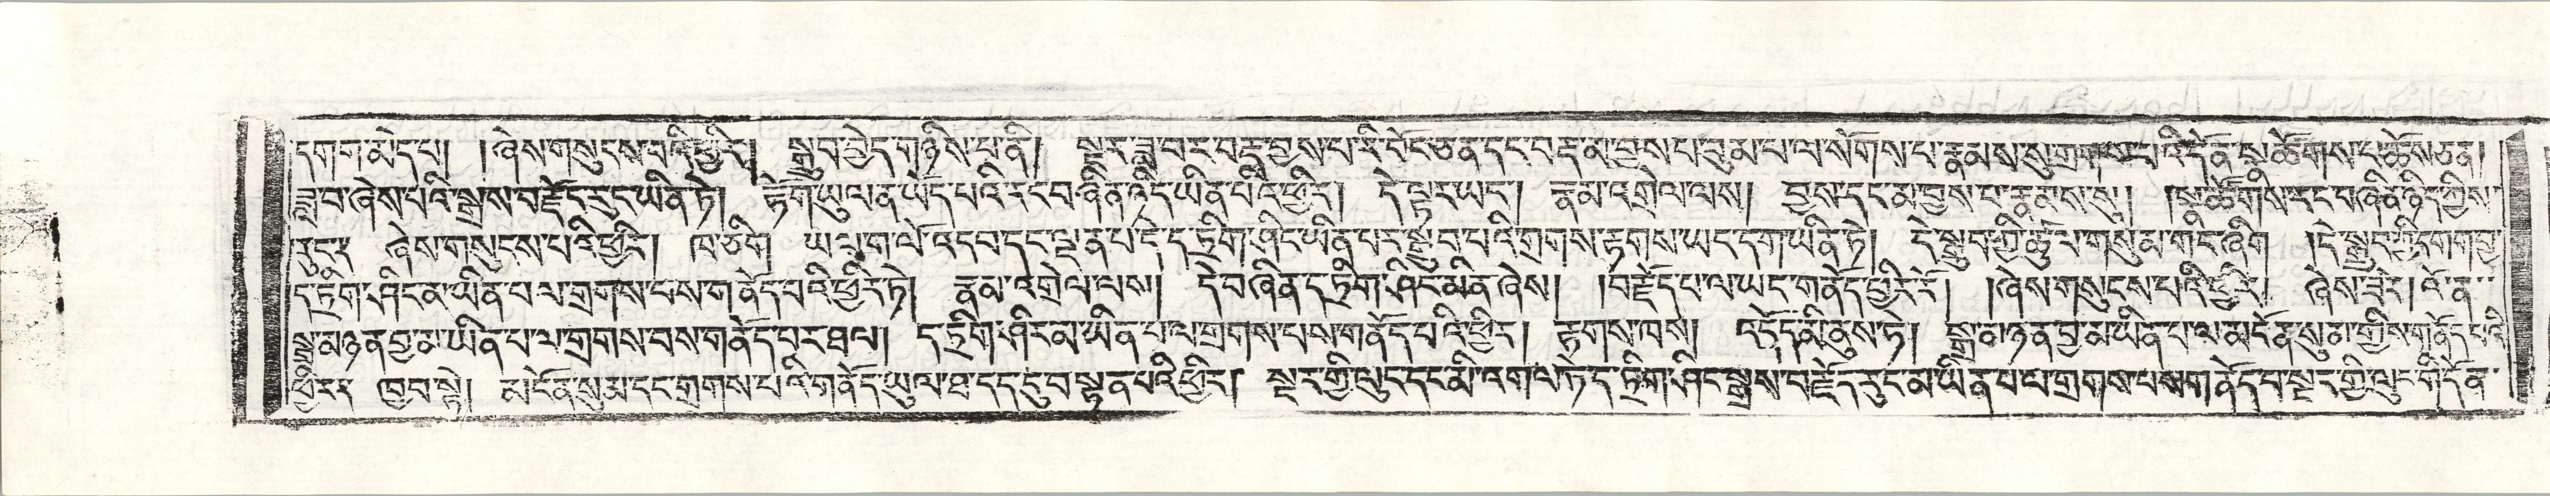དགག་མེད་པ། །ཞེས་གསུངས་པའི་ཕྱིར། སྒྲུབ་བྱེད་གཉིས་པ་ནི། སྔར་ཟླ་བར་བརྡ་བྱས་པ་རི་བོང་ཅན་དང་བརྡ་མ་བྱས་པ་བུམ་པ་ལ་སོགས་པ་རྣམས་སུ་གྲགས་པའི་དོན་སྣ་ཚོགས་པ་ཆོས་ཅན།
ཟླ་བ་ཞེས་པའི་སྒྲས་བརྗོད་རུང་ཡིན་ཏེ། རྟོག་ཡུལ་ན་ཡོད་པའི་རང་བཞིན་ཉིད་ཡིན་པའི་ཕྱིར། དེ་ལྟར་ཡང་། རྣམ་འགྲེལ་ལས། བྱས་དང་མ་བྱས་པ་རྣམས་སུ། །སྣ་ཚོགས་རང་བཞིན་ཉིད་ཀྱིས་
རུང་། ཞེས་གསུངས་པའི་ཕྱིར། ཁ་ཅིག་ཡལ་ག་ལོ་འདབ་དང་ལྡན་པ་དེ་ད་ཏྲིག་ཤིང་ཡིན་པར་སྒྲུབ་པའི་གྲགས་རྟགས་ཡང་དག་ཡིན་ཏེ། དེ་སྒྲུབ་ཀྱི་ཚུལ་གསུམ་གང་ཞིག །དེ་སྒྲུབ་ཀྱི་དགག་བྱ་
ད་ཏྲིག་ཤིང་མ་ཡིན་པ་ལ་གྲགས་པས་གནོད་པའི་ཕྱིར་ཏེ། རྣམ་འགྲེལ་ལས། དེ་བཞིན་ད་ཏྲིག་ཤིང་མིན་ཞེས། །བརྗོད་པ་ལ་ཡང་གནོད་ཕྱིར་རོ། །ཞེས་གསུངས་པའི་ཕྱིར། ཞེས་ཟེར། འོ་ན་
སྒྲ་མཉན་བྱ་མ་ཡིན་པ་ལ་གྲགས་པས་གནོད་པར་ཐལ། ད་ཏྲིག་ཤིང་མ་ཡིན་པ་ལ་གྲགས་པས་གནོད་པའི་ཕྱིར། རྟགས་ཁས། འདོད་མི་ནུས་ཏེ། སྒྲ་མཉན་བྱ་མ་ཡིན་པ་ལ་མངོན་སུམ་གྱིས་གནོད་པའི་
ཕྱིར། ཁྱབ་སྟེ། མངོན་སུམ་དང་གྲགས་པའི་གནོད་ཡུལ་ཐ་དད་དུ་བསྟན་པའི་ཕྱིར། སྔར་གྱི་ལུང་དང་མི་འགལ་ཏེ་ད་ཏྲིག་ཤིང་སྒྲས་བརྗོད་རུང་མ་ཡིན་པ་ལ་གྲགས་པས་གནོད་པ་སྔར་གྱི་ལུང་གི་དོན་